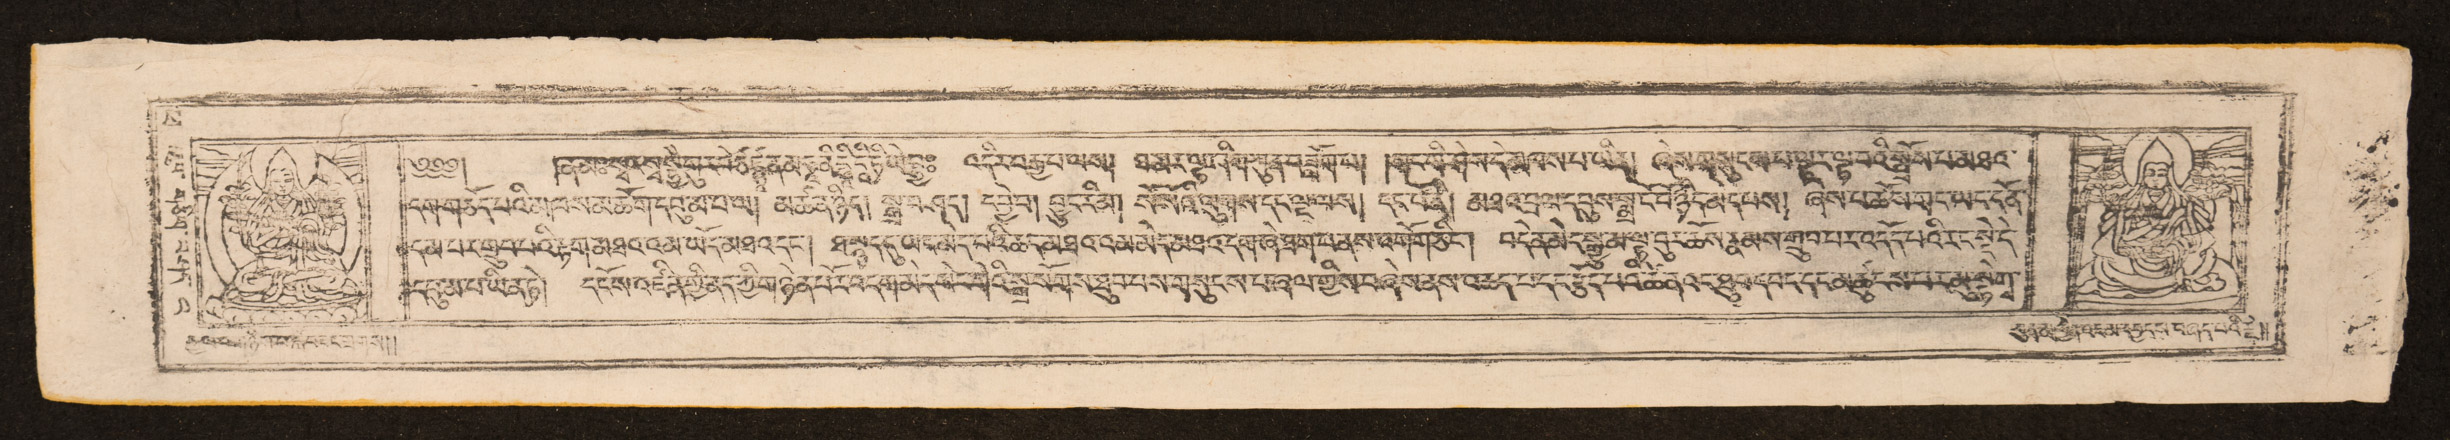༄༅༅། །ནམཿ སྭ་ར་སྭ་སྟྱཻ་གུར་བེ་ཙ་ཛྙཱ་ན་མཧཱ་ནི་དྷཱི་དཱི་ཏི་ཡེ་བྷྱཿ འདིར་བརྒྱ་བ་ལས། ཐ་མར་ལྟ་ཞིག་ཀུན་བཟློག་པ། །གང་གི་ཤེས་དེ་མཁས་པ་ཡིན། ཞེས་གསུངས་པ་ལྟར་ལྟ་བའི་སྤྲོས་པ་མཐའ་
དག་གཅོད་པའི་མཁས་མཆོག་དབུ་མ་བ་ལ། མཚན་ཉིད། སྒྲ་བཤད། དབྱེ་བ། བྱུང་རིམ། སོ་སོའི་ལུགས་དང་ལྔ་ལས། དང་པོ་ནི། མཐའ་བྲལ་དབུས་སྨྲ་ངོ་བོ་ཉིད་མེད་པས། ཞེས་པ་ཆོས་གང་ཡང་དོན་
དམ་པར་གྲུབ་པའི་རྟག་མཐའ་འམ་ཡོད་མཐའ་དང་། ཐ་སྙད་དུ་ཡང་མེད་པའི་ཆད་མཐའ་འམ་མེད་མཐའ་དག་ཞེ་ཐག་པ་ནས་འགོག་ཅིང་། བདེན་མེད་སྒྱུ་མ་ལྟ་བུར་ཆོས་རྣམས་གྲུབ་པར་འདོད་པའི་རང་སྡེ་དེ་
དབུ་མ་བ་ཡིན་ཏེ། དངོས་འཛིན་གྱི་ནད་ཀྱི་གཉེན་པོར་བདག་མེད་སེང་གེའི་སྒྲ་སོགས་ཐུབ་པས་གསུངས་པ་ཞལ་གྱིས་བཞེས་ནས་འཆད་པ་དང་རྩོད་པའི་ཚེ་ནའང་ཐུབ་དབང་དང་མཚུངས་པར་མུ་སྟེགས་